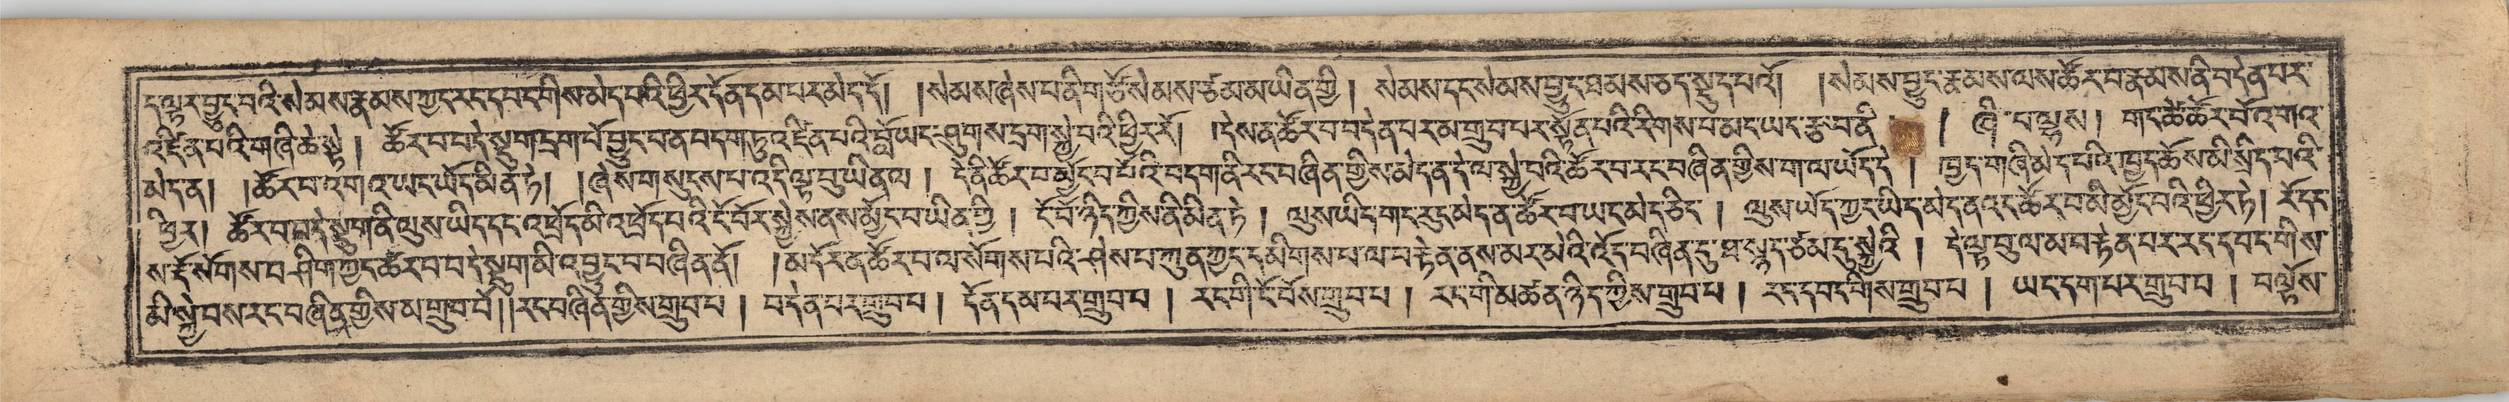ད་ལྟར་བྱུང་བའི་སེམས་རྣམས་ཀྱང་རང་དབང་གིས་མེད་པའི་ཕྱིར་དོན་དམ་པར་མེད་དོ། །སེམས་ཞེས་པ་ནི་གཙོ་སེམས་ཙམ་མ་ཡིན་གྱི། སེམས་དང་སེམས་བྱུང་ཐམས་ཅད་སྡུད་པའོ། །སེམས་བྱུང་རྣམས་ལས་ཚོར་བ་རྣམས་ནི་བདེན་པར་
འཛིན་པའི་གཞི་ཆེ་སྟེ། ཚོར་བ་བདེ་སྡུག་དྲག་པོ་བྱུང་བ་ན་བདག་ཏུ་འཛིན་པའི་བློ་ཡང་ཤུགས་དྲག་སྐྱེ་བའི་ཕྱིར་རོ། །དེས་ན་ཚོར་བ་བདེན་པར་མ་གྲུབ་པར་སྟོན་པའི་རིགས་པ་མང་ཡང་རྩ་བ་ནི། །ཞི་བ་ལྷས། གང་ཚེ་ཚོར་པོ་འགའ་
མེད་ན། །ཚོར་བ་འགའ་ཡང་ཡོད་མིན་ཏེ། །ཞེས་གསུངས་པ་འདི་ལྟ་བུ་ཡིན་ལ། དེ་ནི་ཚོར་བ་མྱོང་བ་པོའི་བདག་ནི་རང་བཞིན་གྱིས་མེད་ན་དེ་ལ་སྐྱེ་བའི་ཚོར་བ་རང་བཞིན་གྱིས་ག་ལ་ཡོད་དེ། ཁྱད་གཞི་མེད་པའི་ཁྱད་ཆོས་མི་སྲིད་པའི་
ཕྱིར། ཚོར་བ་བདེ་སྡུག་ནི་ལུས་ཡིད་དང་འཕྲོད་མི་འཕྲོད་པའི་ངོ་བོར་སྐྱེས་ནས་མྱོང་བ་ཡིན་གྱི། ངོ་བོ་ཉིད་ཀྱིས་ནི་མིན་ཏེ། ལུས་ཡིད་གང་རུང་མེད་ན་ཚོར་བ་ཡང་མེད་ཅིང་། ལུས་ཡོད་ཀྱང་ཡིད་མེད་ནའང་ཚོར་བ་མི་མྱོང་བའི་ཕྱིར་ཏེ། རོ་དང་
ས་རྡོ་སོགས་བཤིག་ཀྱང་ཚོར་བ་བདེ་སྡུག་མི་འབྱུང་བ་བཞིན་ནོ། །མདོར་ན་ཚོར་བ་ལ་སོགས་པའི་ཤེས་པ་ཀུན་ཀྱང་དམིགས་པ་ལ་བརྟེན་ནས་མར་མེའི་འོད་བཞིན་དུ་ཐ་སྙད་ཙམ་དུ་སྐྱེའི། དེ་ལྟ་བུ་ལ་མ་བརྟེན་པར་རང་དབང་གིས་
མི་སྐྱེ་བས་རང་བཞིན་གྱིས་མ་གྲུབ་བོ། །རང་བཞིན་གྱིས་གྲུབ་པ། བདེན་པར་གྲུབ་པ། དོན་དམ་པར་གྲུབ་པ། རང་གི་ངོ་བོས་གྲུབ་པ། རང་གི་མཚན་ཉིད་ཀྱིས་གྲུབ་པ། རང་དབང་གིས་གྲུབ་པ། ཡང་དག་པར་གྲུབ་པ། བལྟོས་